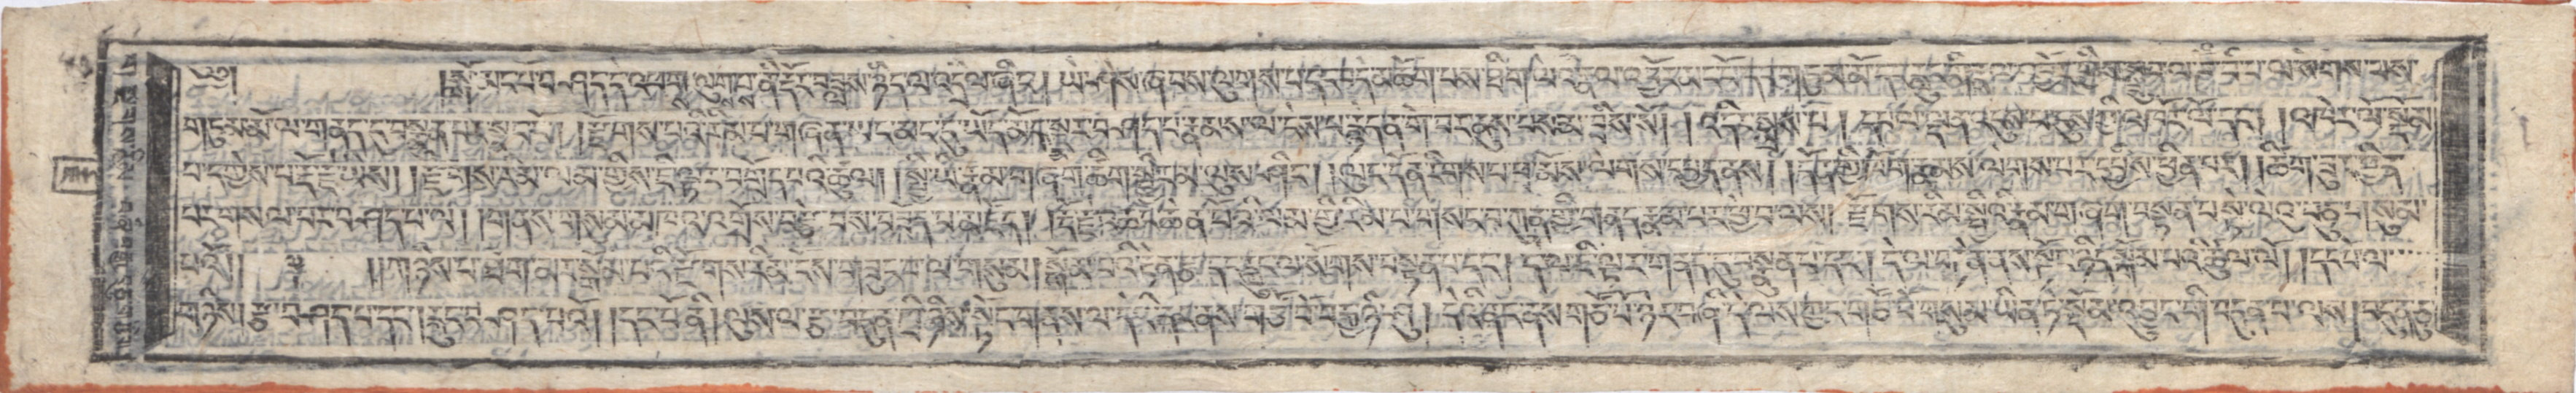༄༅། །སྒོ་མང་པོ་བཤད་དེ་འཕགས་ལུགས་པས་ནི་རྡོར་བཟླས་ཉིད་ལ་འདྲིལ་ཞིང་། ཡེ་ཤེས་ཞབས་ལུགས་པ་དང་བདེ་མཆོག་པས་ཐིག་ལེའི་རྣལ་འབྱོར་མང་པོ་དང་གཏུམ་མོ་དང་རླུང་གི་རྣལ་འབྱོར་གྱིས་སྒྲུབ་ལ་ཌོཾ་བི་པ་ལ་སོགས་པས་
གཏུམ་མོ་ལ་གནད་དུ་བསྣུན་པར་སྣང་ངོ། །རྫོགས་པའི་རིམ་པ་གཞན་ཡང་མང་དུ་ཡོད་མོད་ཀྱང་སྔར་བཤད་པ་རྣམས་ལ་ངེས་པ་རྙེད་ན་གོ་བར་ནུས་པས་མ་བྲིས་སོ། །འདིར་སྨྲས་པ། དཔལ་ལྡན་འདུས་པ་དུས་ཀྱི་འཁོར་ལོ་དང་། །འཁོར་ལོ་སྡོམ་
པ་དགྱེས་པ་རྡོ་རྗེ་ཡིས། །རྫོགས་རིམ་ལམ་གྱིས་ཇི་ལྟར་བགྲོད་པའི་ཚུལ། །སྤྱི་ཡི་རྣམ་གཞག་ཚིག་སྤྱིར་མ་ལུས་ཤིང་། །ལུང་དོན་རིགས་པ་ཕྲ་མོས་ལེགས་དཔྱད་ནས། །དོན་གྱི་ཁོག་རྣམས་ལེགས་པར་དཔྱིས་ཕྱིན་པར། །ཚིག་ཟུར་ཕྱིན་
པར་གསལ་བར་བཤད་པ་ལ། །གནས་གསུམ་མཁའ་འགྲོས་བརྩེ་བས་བཟོད་པ་མཛོད། །རྡོ་རྗེ་འཆང་ཆེན་པོའི་ལམ་གྱི་རིམ་པ་གསང་བ་ཀུན་གྱི་གནད་རྣམ་པར་ཕྱེ་བ་ལས། རྫོགས་རིམ་སྤྱིའི་རྣམ་གཞག་བསྟན་པ་སྟེ་ལེའུ་བཅུ་གསུམ་
པའོ།། ༈ །།གཉིས་པ་ཐོག་མར་སྒོམ་པའི་རྫོགས་རིམ་ངོས་གཟུང་བ་ལ་གསུམ། སྒོམ་པའི་རྟེན་རྩ་དང་རླུང་ལ་སོགས་བསྟན་པ་དང་། དེ་ལ་ཇི་ལྟར་གནད་དུ་བསྣུན་པ་དང་། དེ་ལ་བརྟེན་ནས་སྟོང་ཉིད་སྒོམ་པའི་ཚུལ་ལོ། །དང་པོ་ལ་
གཉིས། རྩ་བཤད་པ་དང་། རླུང་བཤད་པའོ། །དང་པོ་ནི། ལུས་ལ་རྩ་བདུན་ཁྲི་ཉིས་སྟོང་གནས་ལ་དེའི་ནང་ནས་གཙོ་བོ་བརྒྱ་ཉི་ཤུ། དེའི་ནང་ནས་གཙོ་བོ་ཉེར་བཞི་དེ་ལས་ཀྱང་གཙོ་བོ་གསུམ་ཡིན་ཏེ་སྡོམ་འབྱུང་གི་བདུན་པ་ལས། བདུན་ཅུ་